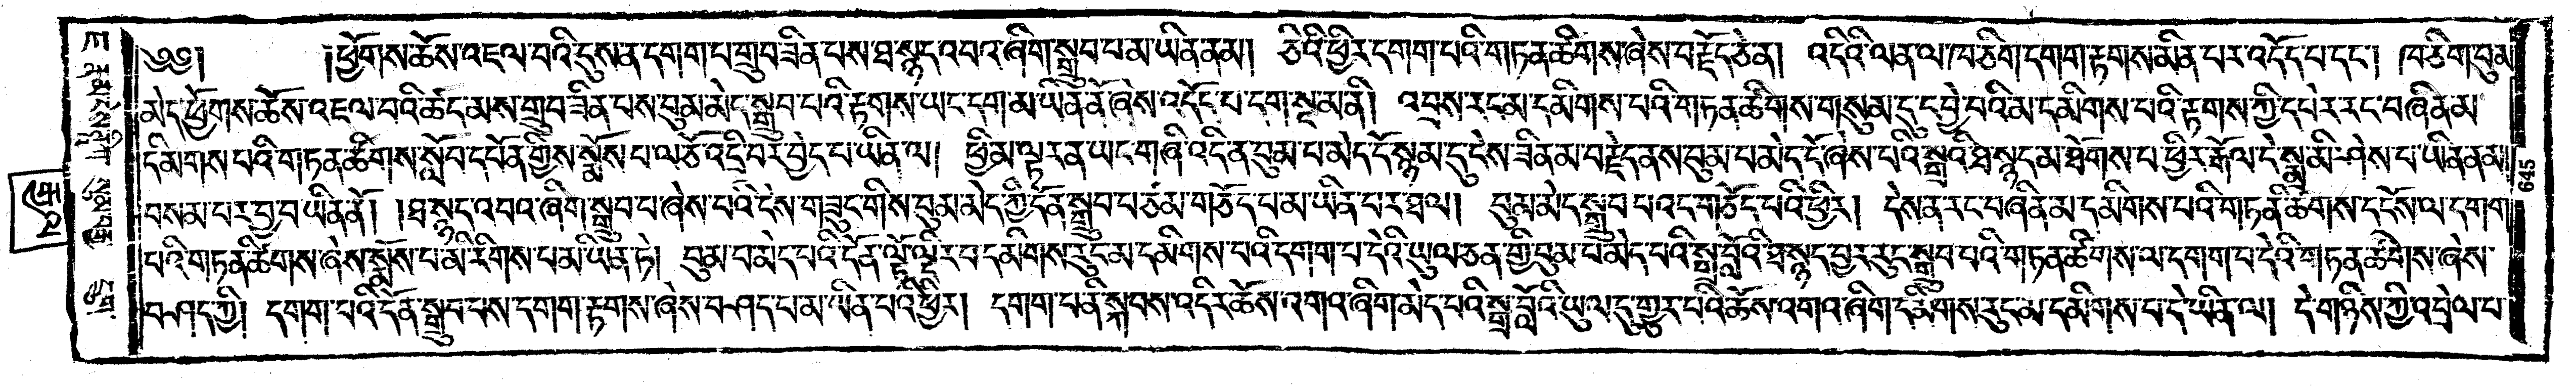༄༅། །ཕྱོགས་ཆོས་འཇལ་བའི་དུས་ན་དགག་པ་གྲུབ་ཟིན་པས་ཐ་སྙད་འབའ་ཞིག་སྒྲུབ་པ་མ་ཡིན་ནམ། ཅིའི་ཕྱིར་དགག་པའི་གཏན་ཚིགས་ཞེས་བརྗོད་ཅེ་ན། འདིའི་ལན་ལ་ཁ་ཅིག་དགག་རྟགས་མིན་པར་འདོད་པ་དང་། ཁ་ཅིག་བུམ་
མེད་ཕྱོགས་ཆོས་འཇལ་བའི་ཚད་མས་གྲུབ་ཟིན་པས་བུམ་མེད་སྒྲུབ་པའི་རྟགས་ཡང་དག་མ་ཡིན་ནོ་ཞེས་འདོད་པ་དག་སྔ་མ་ནི། འབྲས་རང་མ་དམིགས་པའི་གཏན་ཚིགས་གསུམ་དུ་དབྱེ་བའི་མ་དམིགས་པའི་རྟགས་ཀྱི་དཔེར་རང་བཞིན་མ་
དམིགས་པའི་གཏན་ཚིགས་སློབ་དཔོན་གྱིས་སྨོས་པ་ལ་ཅོ་འདྲི་བར་བྱེད་པ་ཡིན་ལ། ཕྱི་མ་ལྟར་ན་ཡང་གཞི་འདི་ན་བུམ་པ་མེད་དོ་སྙམ་དུ་ངེས་ཟིན་མ་བརྗེད་ནས་བུམ་པ་མེད་དོ་ཞེས་པའི་སྒྲའི་ཐ་སྙད་མ་ཐོགས་པ་ཕྱིར་རྒོལ་དེ་སྨྲ་མི་ཤེས་པ་ཡིན་ནམ།
བསམ་པར་བྱ་བ་ཡིན་ནོ། །ཐ་སྙད་འབའ་ཞིག་སྒྲུབ་པ་ཞེས་པའི་ངེས་གཟུང་གིས་བུམ་མེད་ཀྱི་དོན་སྒྲུབ་པ་ཙམ་གཅོད་པ་མ་ཡིན་པར་ཐལ། བུམ་མེད་སྒྲུབ་པའང་གཅོད་པའི་ཕྱིར། དེས་ན་རང་བཞིན་མ་དམིགས་པའི་གཏན་ཚིགས་དངོས་ལ་དགག་
པའི་གཏན་ཚིགས་ཞེས་སྨོས་པ་མི་རིགས་པ་མ་ཡིན་ཏེ། བུམ་པ་མེད་པའི་དོན་ལྟོ་ལྡིར་བ་དམིགས་རུང་མ་དམིགས་པའི་དགག་པ་དེའི་ཡུལ་ཅན་གྱི་བུམ་པ་མེད་པའི་སྒྲ་བློའི་ཐ་སྙད་བྱར་རུང་སྒྲུབ་པའི་གཏན་ཚིགས་ལ་དགག་པ་དེའི་གཏན་ཚིགས་ཞེས་
བཤད་ཀྱི། དགག་པའི་དོན་སྒྲུབ་པས་དགག་རྟགས་ཞེས་བཤད་པ་མ་ཡིན་པའི་ཕྱིར། དགག་པ་ནི་སྐབས་འདིར་ཆོས་འགའ་ཞིག་མེད་པའི་སྒྲ་བློའི་ཡུལ་དུ་གྱུར་པའི་ཆོས་འགའ་ཞིག་དམིགས་རུང་མ་དམིགས་པ་དེ་ཡིན་ལ། དེ་གཉིས་ཀྱི་འབྲེལ་པ་